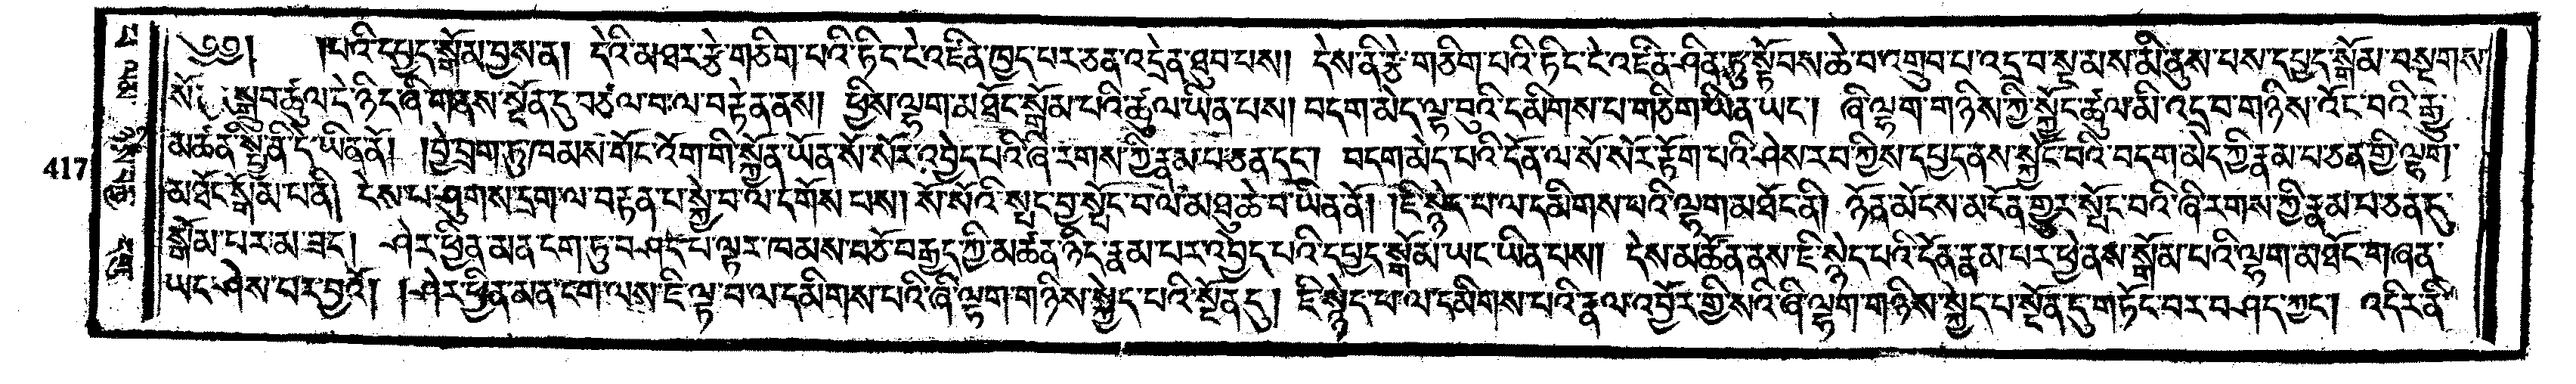༄༅། །པའི་དཔྱད་སྒོམ་བྱས་ན། དེའི་མཐར་རྩེ་གཅིག་པའི་ཏིང་ངེ་འཛིན་ཁྱད་པར་ཅན་འདྲེན་ཐུབ་པས། དེས་ནི་རྩེ་གཅིག་པའི་ཏིང་ངེ་འཛིན་ཤིན་ཏུ་སྟོབས་ཆེ་བ་འགྲུབ་པ་འདྲ་བ་སྔ་མས་མི་ནུས་པས་དཔྱད་སྒོམ་བསྔགས་
སོ༑ ༑སྒྲུབ་ཚུལ་དེ་ཉིད་ཞི་གནས་སྔོན་དུ་བཙལ་བ་ལ་བརྟེན་ནས། ཕྱིས་ལྷག་མཐོང་སྒྲོམ་པའི་ཚུལ་ཡིན་པས། བདག་མེད་ལྟ་བུའི་དམིགས་པ་གཅིག་ཡིན་ཡང་། ཞི་ལྷག་གཉིས་ཀྱི་སྐྱོང་ཚུལ་མི་འདྲ་བ་གཉིས་འོང་བའི་རྒྱུ་
མཚན་སྤྱི་ནི་དེ་ཡིན་ནོ། །བྱེ་བྲག་ཏུ་ཁམས་གོང་འོག་གི་སྐྱོན་ཡོན་སོ་སོར་འབྱེད་པའི་ཞི་རགས་ཀྱི་རྣམ་པ་ཅན་དང་། བདག་མེད་པའི་དོན་ལ་སོ་སོར་རྟོག་པའི་ཤེས་རབ་ཀྱིས་དཔྱད་ནས་སྐྱོང་བའི་བདག་མེད་ཀྱི་རྣམ་པ་ཅན་གྱི་ལྷག་
མཐོང་སྒོམ་པ་ནི། ངེས་པ་ཤུགས་དྲག་ལ་བརྟན་པ་སྐྱེ་བ་ལ་དགོས་པས། སོ་སོའི་སྤང་བྱ་སྤོང་བ་ལ་མཐུ་ཆེ་བ་ཡིན་ནོ། །ཇི་སྙེད་པ་ལ་དམིགས་པའི་ལྷག་མཐོང་ནི། ཉོན་མོངས་མངོན་གྱུར་སྤོང་བའི་ཞི་རགས་ཀྱི་རྣམ་པ་ཅན་དུ་
སྒོམ་པར་མ་ཟད། ཤེར་ཕྱིན་མན་ངག་ཏུ་བཤད་པ་ལྟར་ཁམས་བཅོ་བརྒྱད་ཀྱི་མཚན་ཉིད་རྣམ་པར་འབྱེད་པའི་དཔྱད་སྒོམ་ཡང་ཡིན་པས། དེས་མཚོན་ནས་ཇི་སྙེད་པའི་དོན་རྣམ་པར་ཕྱེ་ནས་སྒོམ་པའི་ལྷག་མཐོང་གཞན་
ཡང་ཤེས་པར་བྱའོ། །ཤེར་ཕྱིན་མན་ངག་ལས་ཇི་ལྟ་བ་ལ་དམིགས་པའི་ཞི་ལྷག་གཉིས་སྐྱེད་པའི་སྔོན་དུ། ཇི་སྙེད་ཕ་ལ་དམིགས་པའི་རྣལ་འབྱོར་གྱི་སའི་ཞི་ལྷག་གཉིས་སྐྱེད་པ་སྔོན་དུ་གཏོང་བར་བཤད་ཀྱང་། འདིར་ནི་